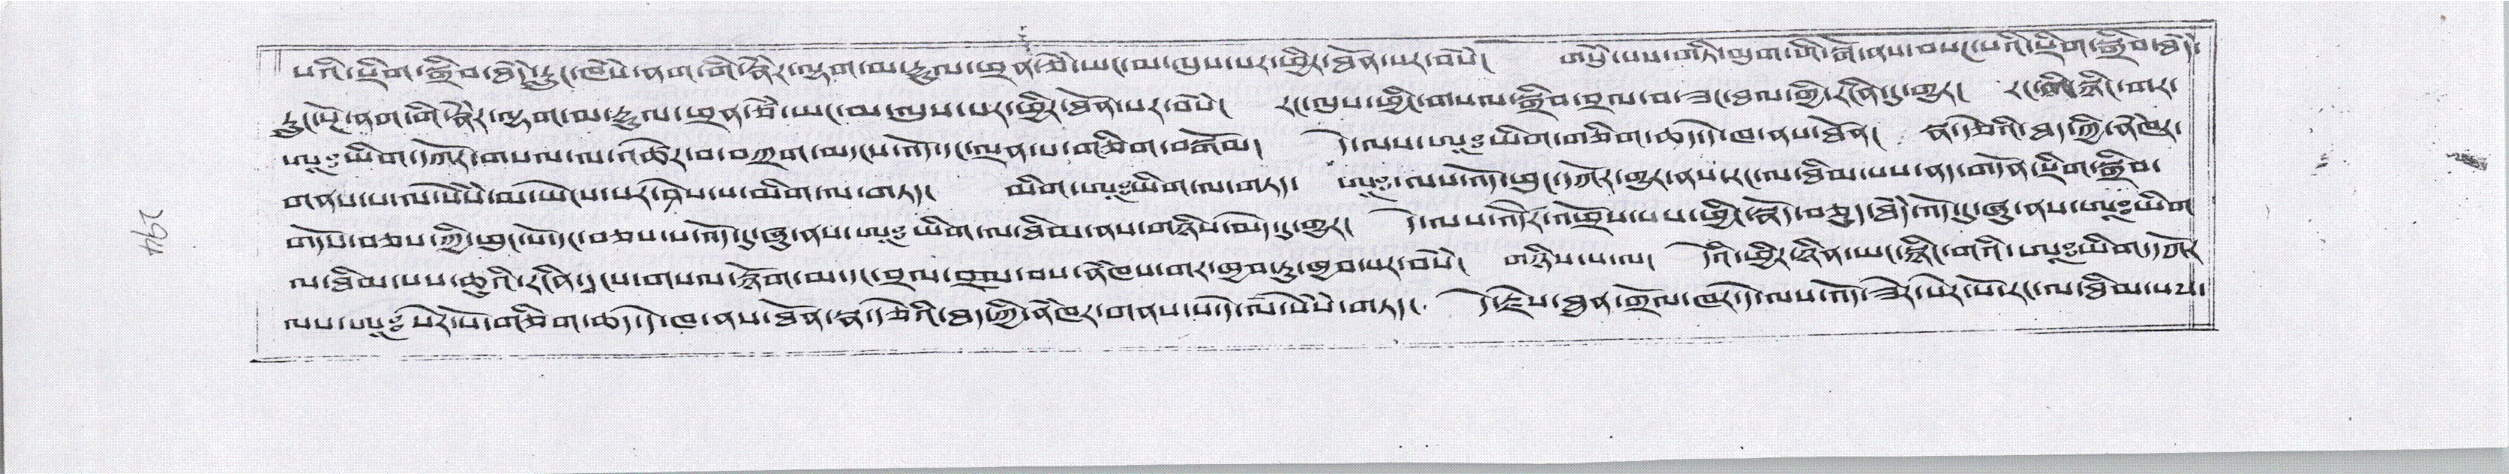པའི་སྡིག་སྒྲིབ་ཐམས་ཅད་རླུང་ཁམས་ནག་གི་རྣམ་པར་ལྷག་མ་རྡུལ་ཕྲན་ཙམ་ཡང་མ་ལུས་པར་ཕྱིར་ཐོན་པར་བསམ། གསུམ་པས་གཏི་མུག་གི་སྒོ་ནས་བསགས་པའི་སྡིག་སྒྲིབ་ཐམས་ཅད་
རླུང་སྔོ་ནག་གི་རྣམ་པར་ལྷག་མ་རྡུལ་ཕྲན་ཙམ་ཡང་མ་ལུས་པར་ཕྱིར་ཐོན་པར་བསམ། རང་ལུས་ཕྱི་ནང་གསལ་སྒྲིབ་བྲལ་བ་ཟང་ཐལ་གྱི་རང་བཞིན་དུ་གྱུར། རང་གི་སྙིང་གར་
ཨཱཿཡིག་དཀར་པོ་གསལ་ལ་འཚེར་བ་བཀྲག་མདངས་འོད་དང་ལྡན་པ་གཅིག་བསྒོམ། དེ་ལས་ཨཱཿཡིག་གཅིག་ཆད་དེ་ཁ་ནས་ཐོན། སྣ་རྩེའི་ཐད་ཀྱི་ནམ་མཁར་
གནས་པ་ལ་སེམས་མ་ཡེངས་པར་ཤེས་པ་མིག་ལ་གཏད། མིག་ཨཱཿཡིག་ལ་གཏད། ཨཱཿལས་འོད་ཕུང་དཀར་པོ་གྱུར་ནས་རང་ལ་ཐིམ་པས་ནད་གདོན་སྡིག་སྒྲིབ་
གདོས་བཅས་ཀྱི་ཕུང་པོ་དང་བཅས་པ་འོད་དུ་ཞུ་ནས་ཨཱཿཡིག་ལ་ཐིམ་ནས་གཉིས་མེད་དུ་གྱུར། དེ་ལས་འོད་ཟེར་འཕྲོས་པས་ཕྱི་ནང་སྣོད་བཅུད་ཐམས་ཅད་འོད་དུ་ཞུ་ནས་ཨཱཿཡིག་
ལ་ཐིམ་པས་ཆུའི་རང་བཞིན་དྭངས་གསལ་རྙོག་མ་དང་བྲལ་བས་ནམ་མཁས་གར་ཁྱབ་ཏུ་ཁྱབ་པར་བསམ། གཉིས་པ་ལ། དེའི་ཕྱིར་ཉིན་ཡང་སྙིང་གའི་ཨཱཿཡིག་དཀར་པོ་
ལས་ཨཱཿསེར་པོ་གཅིག་ཆད་དེ་ཁ་ནས་ཐོན་སྣ་རྩེའི་ཐད་ཀྱི་ནམ་མཁར་གནས་པ་དེ་ལ་སེམས་གཏད། དེ་རྗེས་ཐུན་གྲོལ་ཁར་དེ་ལས་འོད་ཟེར་སེར་པོ་རང་ལ་ཐིམ་པས་